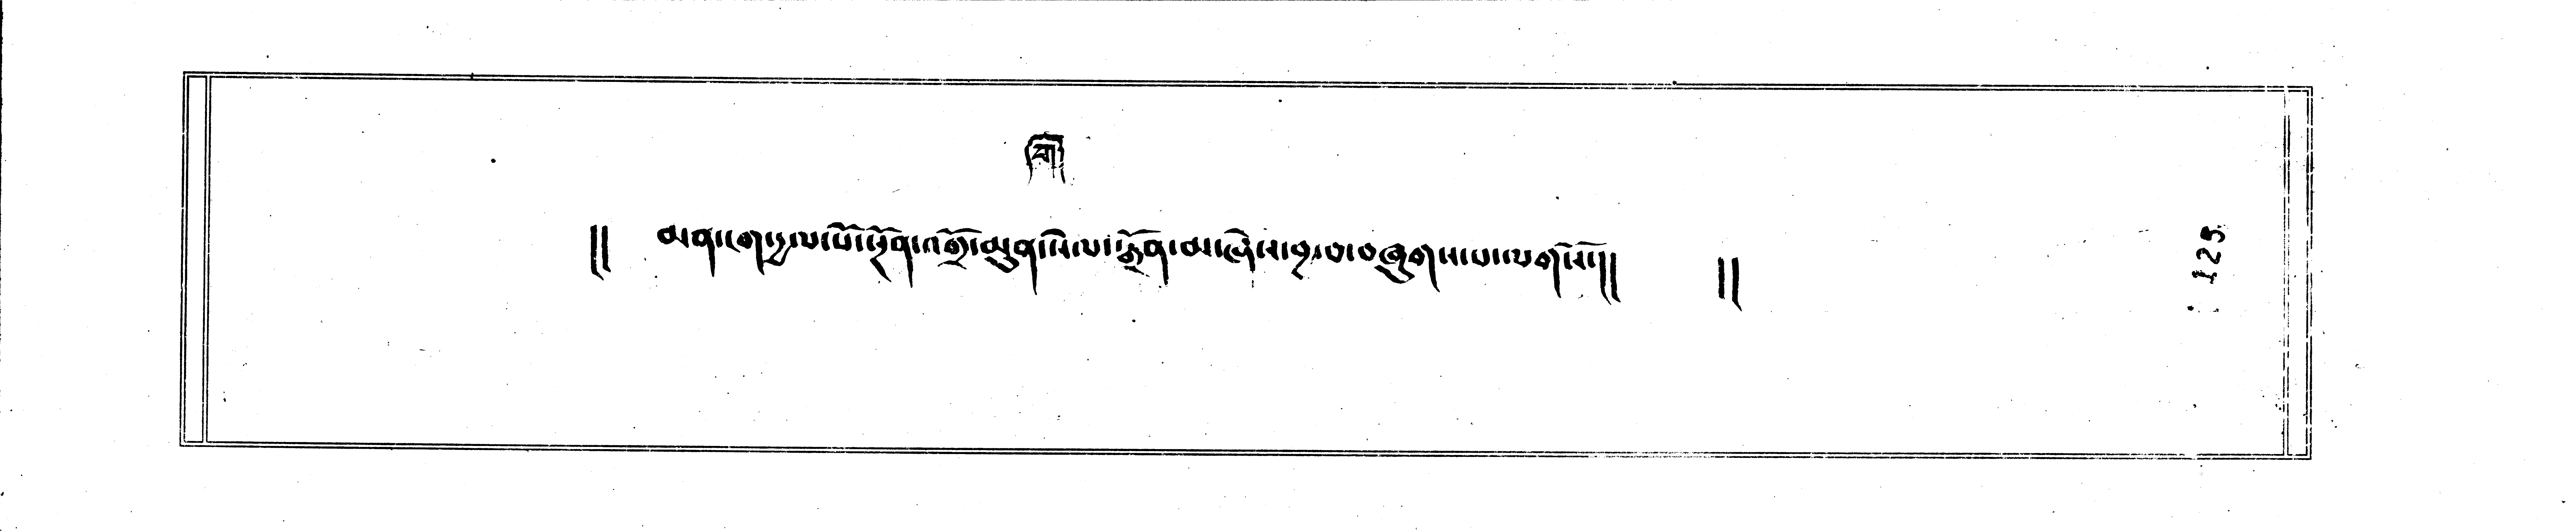།། མན་ངག་རྒྱལ་པོ་སྔོན་འགྲོ་མུན་སེལ་སྒྲོན་མ་ཞེས་བྱ་བ་བཞུགས་པ་ལགས་སོ།། །།